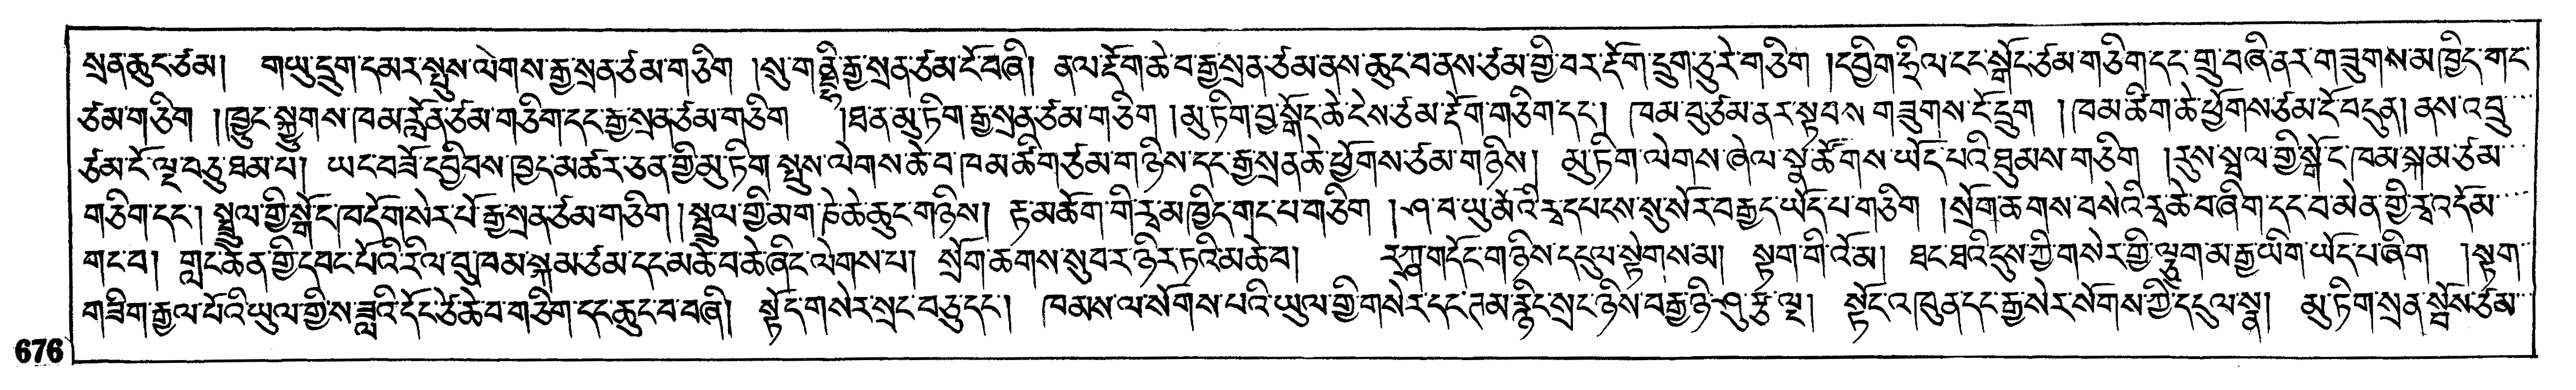སྲན་ཆུང་ཙམ། གཡུ་དྲུག་དམར་སྦུས་ལེགས་རྒྱ་སྲན་ཙམ་གཅིག །སུ་གནྡྷི་རྒྱ་སྲན་ཙམ་ངོ་བཞི། ནལ་རྡོག་ཆེ་བ་རྒྱ་སྲན་ཙམ་ནས་ཆུང་བ་ནས་ཙམ་གྱི་བར་རྡོག་དྲུག་ཅུ་རེ་གཅིག །དབྱིག་ཧྲིལ་དང་སྒོང་ཙམ་གཅིག་དང་གྲུ་བཞི་ནར་གཟུགས་མཁྱིད་གང་
ཙམ་གཅིག །ཁྱུང་སྐྱུགས་ཁམ་རློན་ཙམ་གཅིག་དང་རྒྱ་སྲན་ཙམ་གཅིག །ཐ་ན་མུ་ཏིག་རྒྱ་སྲན་ཙམ་གཅིག །མུ་ཏིག་བྱ་སྒོང་ཆེ་ངེས་ཙམ་རྡོག་གཅིག་དང་། ཁམ་བུ་ཙམ་ནར་སྟབས་གཟུགས་ངོ་དྲུག །ཁམ་ཚིག་ཆེ་ཕྱོགས་ཙམ་ངོ་བདུན། ནས་འབྲུ་
ཙམ་ངོ་ལྔ་བཅུ་ཐམ་པ། ཡང་བཟོ་དབྱིབས་ཁྱད་མཚར་ཅན་གྱི་མུ་ཏིག་སྤུས་ལེགས་ཆེ་བ་ཁམ་ཆིག་ཙམ་གཉིས་དང་རྒྱ་སྲན་ཆེ་ཕྱོགས་ཙམ་གཉིས། མུ་ཏིག་ལེགས་ཞེལ་སྣ་ཚོགས་ཡོང་པའི་ཐུམས་གཅིག །རུས་སྦལ་གྱི་སྒོ་ང་ཁམ་སྐམ་ཙམ་
གཅིག་དང་། སྦྲུལ་གྱི་སྒོ་ང་ཁ་དོག་སེར་པོ་རྒྱ་སྲན་ཙམ་གཅིག །སྦྲུལ་གྱི་མག་ཎེ་ཆེ་ཆུང་གཉིས། རྟ་མཆོག་གི་རྭ་མཁྱིད་གང་པ་གཅིག །ཤ་བ་ཡུ་མོའི་རྭ་དཔངས་སུ་སོར་བརྒྱད་ཡོད་པ་གཅིག །སྲོག་ཆགས་བསེའི་རྭ་ཆེ་བ་ཞིག་དང་བ་མེན་གྱི་རྭ་འདོམ་
གང་བ། གླང་ཆེན་གྱི་དབང་པོའི་རིལ་བུ་ཁམ་སྐམ་ཙམ་དང་མཆེ་བ་ཆེ་ཞིང་ལེགས་པ། སྲོག་ཆགས་སུབ་ར་ཉིར་ཏའི་མཆེ་བ། རཀྴ་གདོང་གཉིས་དངུལ་སྟེགས་མ། སྟག་གི་འོ་མ། ཐང་ཐའི་དུས་ཀྱི་གསེར་གྱི་ལྕུག་མ་རྒྱ་ཡིག་ཡོད་པ་ཞིག །སྟག་
གཟིག་རྒྱལ་པོའི་ཡུལ་གྱིས་ཟླའི་དོང་ཙེ་ཆེ་བ་གཅིག་དང་ཆུང་བ་བཞི། སྟོད་གསེར་སྲང་བཅུ་དང་། ཁམས་ལ་སོགས་བའི་ཡུལ་གྱི་གསེར་དང་ཊམ་རྙིང་སྲང་ཉིས་བརྒྱ་ཉི་ཤུ་རྩ་ལྔ། སྟོང་འཁུན་དང་རྒྱ་སེར་སོགས་ཀྱི་དངུལ་སྣ། མུ་ཏིག་སྲན་སྦོས་ཙམ་